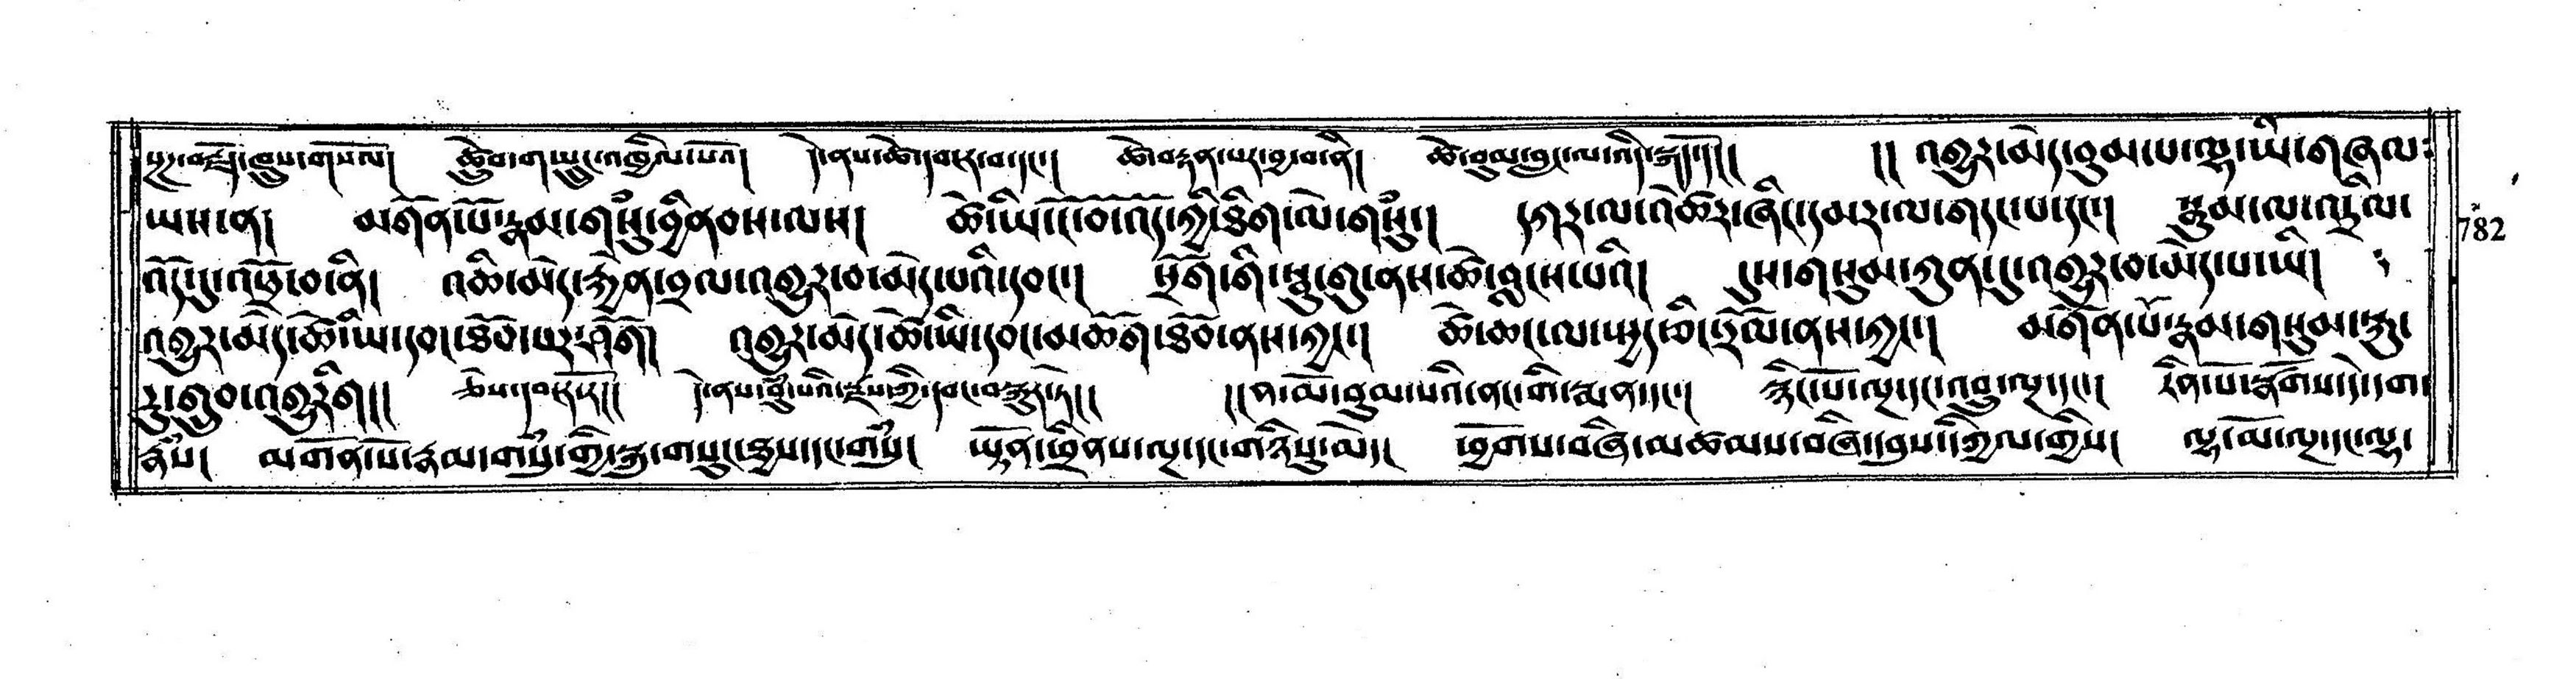སྔགས་བརྗོད་ཁྲུས་གསོལ། ཚེ་སྒྲུབ་གཡུང་དྲུང་འཁྱིལ་པའོ། དེ་ནས་ཚེ་དབང་བསྐུར་བ་དང་། ཚེ་བརྟན་པར་བྱ་བ་ནི། ཚེ་བུམ་བླང་ལ་འདི་སྐད་དོ།། །།འགྱུར་མེད་བུམ་པ་ལྷ་ཡི་གཞལ་
ཡས་ན། མགོན་པོ་རྣམ་གསུམ་བྱིན་རླབས་ལས། ཚེ་ཡི་ངོ་བོ་འོད་ཀྱི་ཐིག་ལེ་གསུམ། དཀར་ལ་འཚེར་ཞིང་དམར་ལ་གདང་པ་དང་། སྣུམ་ལ་འདྲིལ་
འོད་དུ་འཕྲོ་བ་ནི། འཆི་མེད་རྐྱེན་བྲལ་འགྱུར་བ་མེད་པའི་དབང་། སྲོག་གི་སྦུ་གུ་ནས་ཚེ་བླངས་པའི། དུས་གསུམ་ཀུན་དུ་འགྱུར་བ་མེད་པ་ཡི། 
འགྱུར་མེད་ཚེ་ཡི་དབང་ཐོབ་པར་ཤོག འགྱུར་མེད་ཚེ་ཡི་དབང་མཆོག་ཐོབ་ནས་ཀྱང་། ཚེ་ཆང་ལ་སྤྱད་ཅིང་རོལ་ནས་ཀྱང་། མགོན་པོ་རྣམ་གསུམ་སྐུ་
རུ་གྲུབ་འགྱུར་ཅིག །། ཅེས་དབང་བསྐུར་རོ།། དེ་ནས་བུམ་པའི་རྫས་ཀྱི་དབང་བསྐུར་ཏེ།། །།ན་མོ་བུམ་པའི་ནང་གི་སྨན་དང་། སྙིང་པོ་ལྔ་དང་འབྲུ་ལྔ་དང་། རིན་པོ་ཆེ་སྣ་ཚོགས་དེ་དག་
རྣམས། མགོན་པོ་རྣམ་གསུམ་གྱི་སྐུ་གསུང་ཐུགས་དང་གསུམ། ཡོན་ཏན་ཕྲིན་ལས་ལྔ་དང་གཉིས་སུ་མེད། ཕྱོགས་བཞི་མཚམས་བཞི་དབུས་དཀྱིལ་གྱིས། ལྷ་མོ་ལྔ་དང་ལྷ་